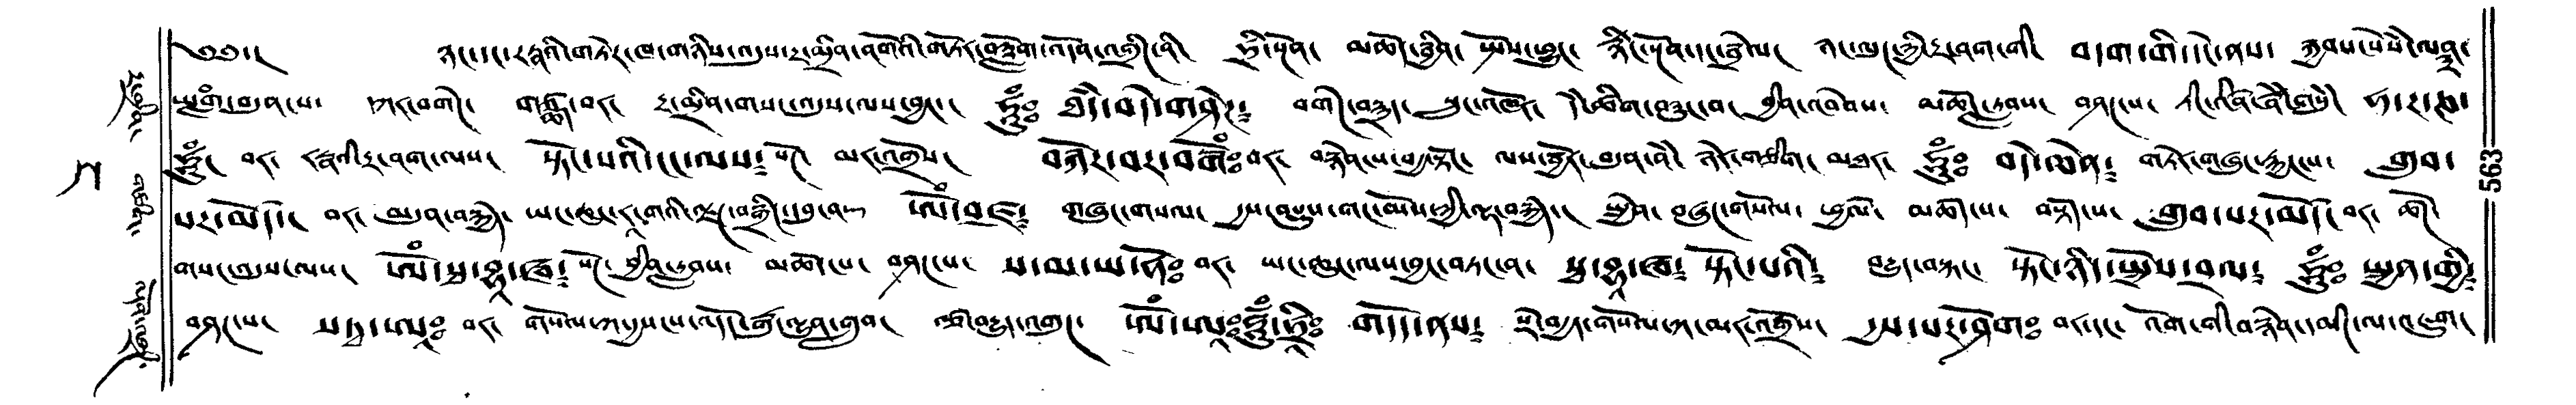ཉང་དང་རཏྣའི་གཏེར་ཁ་གཉིས་འདུས་རྟ་མགྲིན་ནག་པོའི་བཟློག་འདོན་འགྲིགས་ནི། ཧྲཱིཿསྔོན༴ མཆོད་སྦྱིན། སྤོས་ཕྱུང་། རྙིང་སྔོན་དང་སྦྲེལ། ཉང་ལུགས་རྟ་ནག་གི བདག་གིས་དེང་ནས༴ སྐྱབས་སེམས་ལན་གསུམ། 
ཡན་ལག་བདུན་པ། དཀར་བགེགས། གཙྪ་བར། རྟ་མགྲིན་གསང་འདུས་ལས་བྱང་། ཧཱུྃཿ ཐམས་ཅད་བདེ་གཤེགས༴ བགེགས་བསྐྲད། སྲུང་འཁོར། དམ་ཚིག་བཟུང་བ། བྱིན་འབེབས། མཆོད་རླབས། བཤགས་པ། ཏིང་འཛིན་རྣམ་གསུམ། ཧ་ར་ཎ་
ཧཱུཾ། བར། རཏྟའི་རྟ་ནག་ལས། སྟོང་པའི་ངང་ལས༴ སོགས། མར་འགྲོས། བསྐོར་བར་བསྒོམཿ བར། བསྙེན་པ་བརྒྱ་སྟོང་། ལས་སྦྱོར། བདུན་ནམ། ཉེར་གཅིག མཐར། ཧཱུྃཿ བདེ་ཆེན༴ གཏེར་གཞུང་རྐྱང་པ། འགྲུབ་
པར་མཛོད། བར། མདུན་བསྐྱེད། ཡང་ཆུང་རཱ་གའི་ལྗགས་བསྒྲིགས་དབུ་ནས། ཨོཾ་བཛྲ༴ གཞུང་གསལ། རྒྱས་བསྡུས་གང་མོས་ཀྱི་ལྷ་བསྐྱེད། སྤྱན་འདྲེན། བཞུགས་གསོལ། ཕྱག་འཚལ། མཆོད་པ། བསྟོད་པ། འགྲུབ་པར་མཛོད། བར། ཚོགས། 
གསང་འདུས་ལས། ཨོཾ་སྭ་བྷཱ་ཝ༴ སོགས། བྱིན་རླབས། མཆོད་པ། བཤགས་པ། ས་མ་ཡ་ཧོཿ བར། ཡང་ཆུང་ལས་བྱང་གཏང་ན། སྭ་བྷཱ་ཝ༴ སྟོང་པའི༴ བརྒྱུད་བསྐང་། སྟོང་ཉིད་སྤྲོས་བྲལ༴ ཧཱུྃཿ སྤྱན་གྱི༴ 
བཤགས་པ། སཏྭ་ཨཱཿ བར། གསོལ་ཀ་རྒྱས་པ་འདོད་རྒུ་ལྷུན་གྲུབ། རྩ་བརྒྱུད་འགུགས། ཨོཾ་ཨཱཿཧཱུྃ་ཧྲཱི༔ གདོད་ནས༴ སྡེ་བརྒྱད་གསོལ་ཀ་མར་འགྲོས། རྒྱས་པར་ཤོགཿ བར་དང་། འོག་གི་བསྙེན་དམིགས་འཇུག